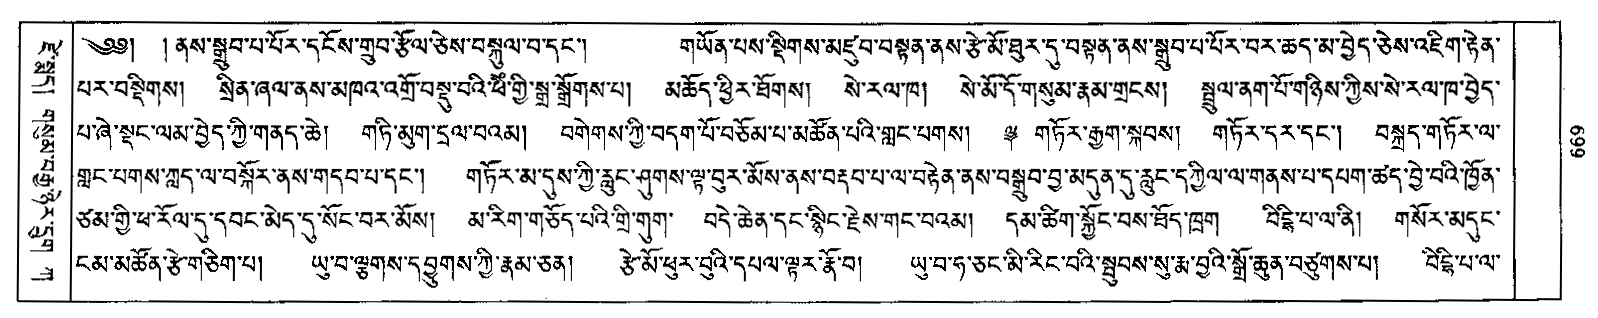༄༅། །ནས་སྒྲུབ་པ་པོར་དངོས་གྲུབ་རྩོལ་ཅེས་བསྐུལ་བ་དང་། གཡོན་པས་སྡིགས་མཛུབ་བསྟན་ནས་རྩེ་མོ་ཐུར་དུ་བསྟན་ནས་སྒྲུབ་པ་པོར་བར་ཆད་མ་བྱེད་ཅེས་འཇིག་རྟེན་
པར་བསྡིགས། སྲིན་ཞལ་ནས་མཁའ་འགྲོ་བསྡུ་བའི་ཕཻཾ་གྱི་སྒྲ་སྒྲོགས་པ། མཆོད་ཕྱིར་ཐོགས། སེ་རལ་ཁ། སེ་མོ་དོ་གསུམ་རྣམ་གྲངས། སྦྲུལ་ནག་པོ་གཉིས་ཀྱིས་སེ་རལ་ཁ་བྱེད་
པ་ཞེ་སྡང་ལམ་བྱེད་ཀྱི་གནད་ཆེ། གཏི་མུག་དྲལ་བའམ། བགེགས་ཀྱི་བདག་པོ་བཅོམ་པ་མཚོན་པའི་གླང་པགས། ༈ གཏོར་རྒྱག་སྐབས། གཏོར་དར་དང་། བསྐྲད་གཏོར་ལ་
གླང་པགས་ཀླད་ལ་བསྐོར་ནས་གདབ་པ་དང་། གཏོར་མ་དུས་ཀྱི་རླུང་ཤུགས་ལྟ་བུར་མོས་ནས་བརྡབ་པ་ལ་བརྟེན་ནས་བསྒྲུབ་བྱ་མདུན་དུ་རླུང་དཀྱིལ་ལ་གནས་པ་དཔག་ཚད་བྱེ་བའི་ཁྱོན་
ཙམ་གྱི་ཕ་རོལ་དུ་དབང་མེད་དུ་སོང་བར་མོས། མ་རིག་གཅོད་པའི་གྲི་གུག་བདེ་ཆེན་དང་སྙིང་རྗེས་གང་བའམ། དམ་ཚིག་སྐྱོང་བས་ཐོད་ཁྲག་བིདྷི་པ་ལ་ནི། གསོར་མདུང་
ངམ་མཚོན་རྩེ་གཅིག་པ། ཡུ་བ་ལྕགས་དབྱུགས་ཀྱི་རྣམ་ཅན། རྩེ་མོ་ཕུར་བུའི་དཔལ་ལྟར་རྣོ་བ། ཡུ་བ་ཧ་ཅང་མི་རིང་བའི་སྦུབས་སུ་རྨ་བྱའི་སྒྲོ་ཆུན་བཙུགས་པ། བིདྷི་པ་ལ་